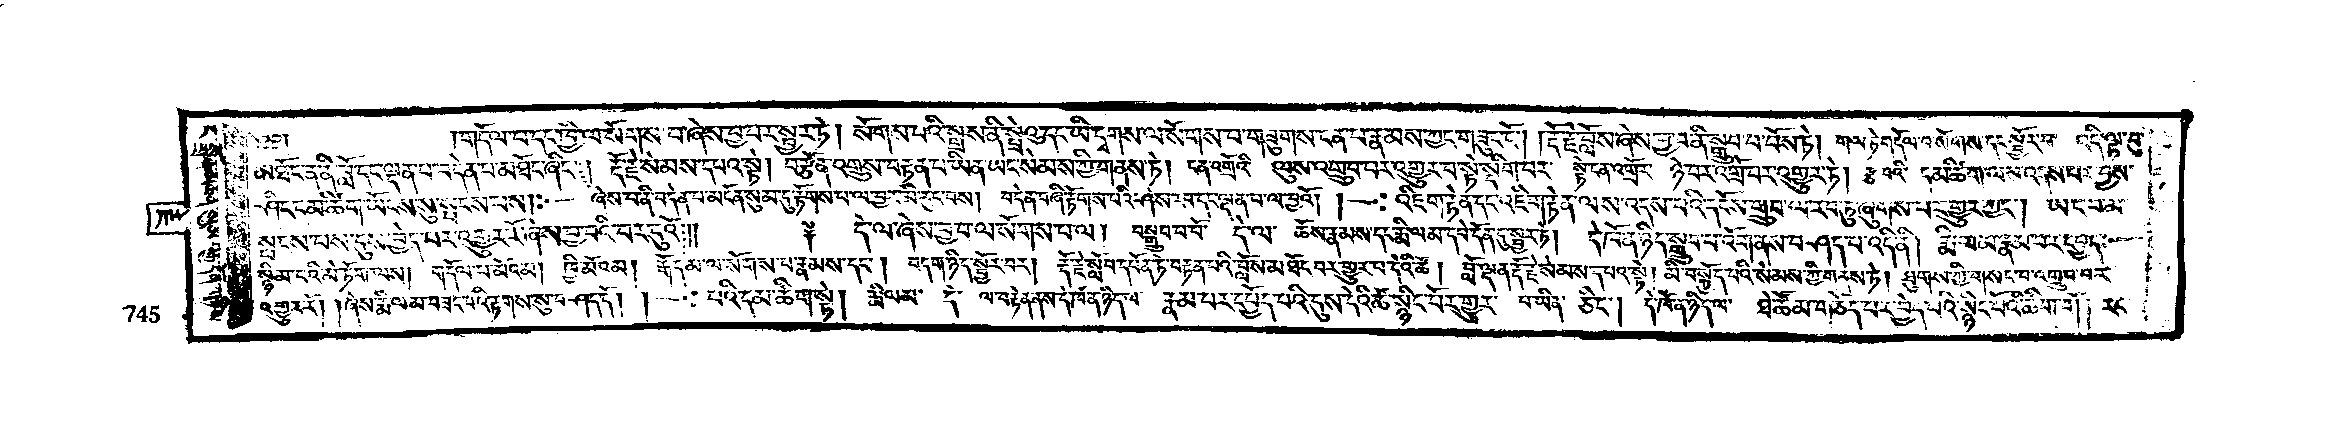༄༅། །གདོལ་བ་དང་ཁྱི་ལ་སོགས་པ་ཞེས་བྱ་བ་སྦྱར་ཏེ། སོགས་པའི་སྒྲས་ནི་སྤྲེའུ་དང་ཡི་དྭགས་ལ་སོགས་པ་གཟུགས་ངན་པ་རྣམས་ཀྱང་གཟུང་ངོ། །རྡོ་རྗེ་བློས་ཞེས་བྱ་བ་ནི་སྒྲུབ་པ་པོས་ཏེ། གལ་ཏེ་གདོལ་བ་སོགས་དང་སྦྱོར་བ་འདི་ལྟ་བུ་
མཐོང་ན་ནི་བློ་དང་ལྡན་པ་བདེན་པ་མཐོང་ཞིང་། རྡོ་རྗེ་སེམས་དཔའ་སྟེ། བརྩོན་འགྲུས་བརྟན་པ་ཡིན་ཡང་སེམས་ཀྱི་གནས་ཏེ། ངན་འགྲོའི་ལུས་འགྲུབ་པར་འགྱུར་བ་སྟེ་སྡིག་པར་སྟེ་ངན་འགྲོར་ཉེ་བར་འགྲོ་བར་འགྱུར་ཏེ། རྩ་བའི་དམ་ཚིག་ལས་འདས་པར་བྱས་
ཤིང་དམ་ཚིག་ཡོངས་སུ་སྤངས་པས།H.་ཞེས་པ་ནི་བདེན་པ་མངོན་སུམ་དུ་རྟོགས་པ་ལ་བྱར་མི་རུང་བས། བདེན་བཞི་རྟོགས་པའི་ཤེས་རབ་དང་ལྡན་པ་ལ་བྱའོ། ། .H འཇིག་རྟེན་དང་འཇིག་རྟེན་ལས་འདས་པའི་དངོས་གྲུབ་ལ་རབ་ཏུ་ཞུགས་པར་གྱུར་ཀྱང་། ཡང་བ་མ་
སྤངས་པས་དུས་བྱེད་པར་འགྱུར་རོ་ཞེས་བྱ་བའི་བར་དུའོ།། ༈ དེ་ལ་ཞེས་བྱ་བ་ལ་སོགས་པ་ལ། བསྒྲུབ་པ་པོ་དེ་ལ་ཆོས་རྣམས་དང་རྨི་ལམ་དཔེ་དོན་དུ་སྦྱར་ཏེ། དེ་ཁོ་ན་ཉིད་སྒྲུབ་པ་འོག་ནས་བཤད་པ་འདི་ནི། རྨི་ལམ་རྣམ་པར་དཔྱད་H.
སྙིམ་པའི་མེ་ཏོག་ལས། གདོལ་པ་མོའམ། ཁྱི་མོའམ། རྒོད་མ་ལ་སོགས་པ་རྣམས་དང་། བདག་ཉིད་སྦྱོར་བར། རྡོ་རྗེ་སློབ་དཔོན་ཏེ་བརྟན་པའི་བློས་མཐོང་བར་གྱུར་པ་དེའི་ཚེ། བློ་ལྡན་རྡོ་རྗེ་སེམས་དཔའ་སྟེ། མི་བསྐྱོད་པའི་སེམས་ཀྱི་གནས་ཏེ། ཐུགས་ཀྱི་གསང་བ་འགྲུབ་པར་
འགྱུར་རོ། །ཞེས་རྨི་ལམ་བཟང་བའི་རྟགས་སུ་བཤད་དོ། །.H པའི་དམ་ཚིག་སྟེ། རྨི་ལམ་དེ་ལ་བརྟེན་ནས་དེ་ཁོ་ན་ཉིད་ལ་རྣམ་པར་དཔྱོད་པའི་དུས་དེའི་ཚེ་སྙིང་པོར་གྱུར་པ་ཡིན་ཅིང་། དེ་ཁོ་ན་ཉིད་ལ་ཐེ་ཚོམ་གཅོད་པར་བྱེད་པའི་སྙིང་པོའི་ཚིག་གོ། རང་